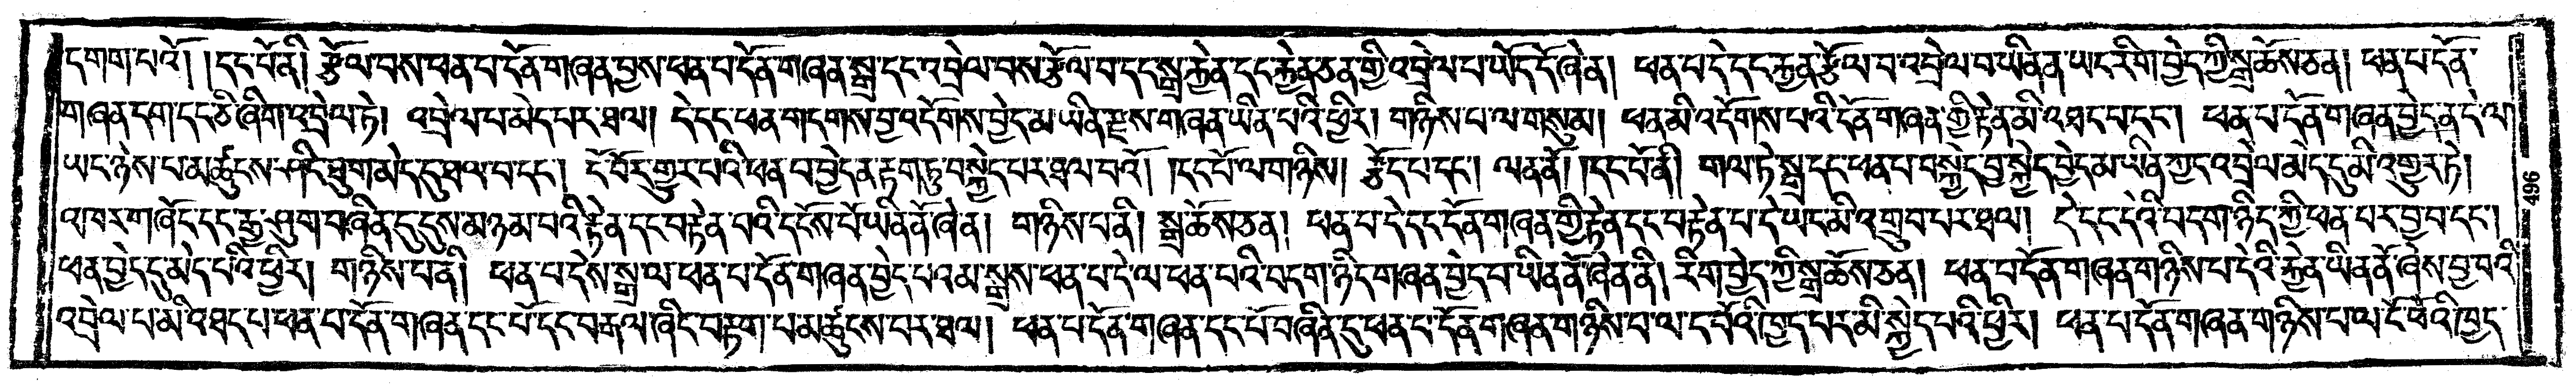དགག་པའོ། །དང་པོ་ནི། རྩོལ་བས་ཕན་པ་དོན་གཞན་བྱས་ཕན་པ་དོན་གཞན་སྒྲ་དང་འབྲེལ་བས་རྩོལ་བ་དང་སྒྲ་རྐྱེན་དང་རྐྱེན་ཅན་གྱི་འབྲེལ་པ་ཡོད་དོ་ཞེ་ན། ཕན་པ་དེ་དང་རྐྱན་རྩོལ་བ་འབྲེལ་པ་ཡིན་ན་ཡང་རིག་བྱེད་ཀྱི་སྒྲ་ཆོས་ཅན། ཕན་པ་དོན་
གཞན་དག་དང་ཅི་ཞིག་འབྲེལ་ཏེ། འབྲེལ་པ་མེད་པར་ཐལ། དེ་དང་ཕན་གདགས་བྱ་འདོགས་བྱེད་མ་ཡིན་རྫས་གཞན་ཡིན་པའི་ཕྱིར། གཉིས་པ་ལ་གསུམ། ཕན་མི་འདོགས་པའི་དོན་གཞན་གྱི་རྟེན་མི་འཐད་པ་དང་། ཕན་པ་དོན་གཞན་བྱེད་ན་དེ་ལ་
ཡང་ཉེས་པ་མཚུངས་ཤིང་ཐུག་མེད་དུ་ཐལ་བ་དང་། ངོ་བོར་གྱུར་པའི་ཕན་པ་བྱེད་ན་རྟག་ཏུ་བསྐྱེད་པར་ཐལ་བའོ། །དང་པོ་ལ་གཉིས། རྩོད་པ་དང་། ལན་ནོ། །དང་པོ་ནི། གལ་ཏེ་སྒྲ་དང་ཕན་པ་བསྐྱེད་བྱ་སྐྱེད་བྱེད་མ་ཡིན་ཀྱང་འབྲེལ་མེད་དུ་མི་འགྱུར་ཏེ།
འཁར་གཞོང་དང་རྒྱ་ཤུགས་བཞིན་དུ་དུས་མཉམ་པའི་རྟེན་དང་བརྟེན་པའི་དངོས་པོ་ཡིན་ནོ་ཞེ་ན། གཉིས་པ་ནི། སྒྲ་ཆོས་ཅན། ཕན་པ་དེ་དང་དོན་གཞན་གྱི་རྟེན་དང་བརྟེན་པ་དེ་ཡང་མི་འགྲུབ་པར་ཐལ། དེ་དང་དེའི་བདག་ཉིད་ཀྱི་ཕན་པར་བྱ་བ་དང་།
ཕན་བྱེད་དུ་མེད་པའི་ཕྱིར། གཉིས་པ་ནི། ཕན་པ་དེས་སྒྲ་ལ་ཕན་པ་དོན་གཞན་བྱེད་པའམ་སྒྲས་ཕན་པ་དེ་ལ་ཕན་པའི་བདག་ཉིད་གཞན་བྱེད་པ་ཡིན་ནོ་ཞེན་ནི། རིག་བྱེད་ཀྱི་སྒྲ་ཆོས་ཅན། ཕན་པ་དོན་གཞན་གཉིས་པ་དེའི་རྐྱེན་ཡིན་ནོ་ཞེས་བྱ་བའི་
འབྲེལ་པ་མི་འཐད་པ་ཕན་པ་དོན་གཞན་དང་པོ་དང་བརྒལ་ཞིང་བརྟག་པ་མཚུངས་པར་ཐལ། ཕན་པ་དོན་གཞན་དང་པོ་བཞིན་དུ་ཕན་པ་དོན་གཞན་གཉིས་པ་ལ་ང་?་བོའི་ཁྱད་པར་མི་སྐྱེད་པའི་ཕྱིར། ཕན་པ་དོན་གཞན་གཉིས་པ་ལ་ངོ་བོའི་ཁྱད་